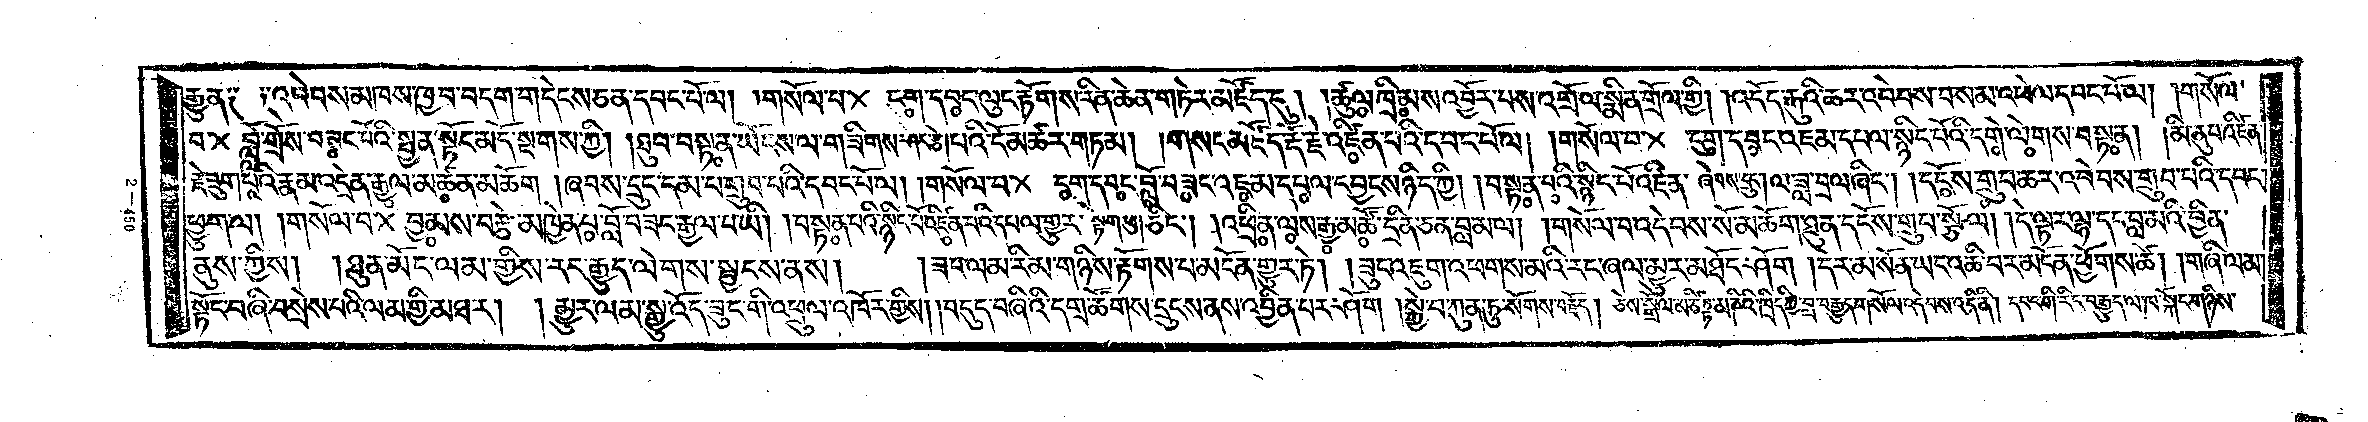རྒྱུན༑ ༑འབེབས་མཁས་ཁྱབ་བདག་གདེངས་ཅན་དབང་པོ་ལ། །གསོལ་བ་྾་ངག་དབང་ལུང་རྟོགས་རིན་ཆེན་གཏེར་མཛོད་དུ། །ཚུལ་ཁྲིམས་འབྱོར་པས་འགྲོལ་སྨིན་གྲོལ་གྱི། །འདོད་རྒུའི་ཆར་འབེབས་བསམ་འཕེལ་དབང་པོ་ལ། །གསོལ་
བ་྾་བློ་གྲོས་བྚང༠་པོའི་སྤྱན་སྟོང་མདོ་སྔགས་ཀྱི། །ཐུབ་བསྟན་ཡོངས་ལ་གཟིགས་པའི་ངོ་མཚར་གཏམ། །གསང་མཛོད་རྡོ་རྗེ་འཛིན་པའི་དབང་པོ་ལ། །གསོལ་བ་དུག་དབང་འཇམ་དཔལ་སྙིང་པོའི་དགེ༠་ལེགས༠་བསྟན༠། །མི་ནུབ་འཛིན་
རྗེ་ཟུག་པཱའི་རྣམ་འདྲེན་རྒྱལ༠་མཚན༠་མཆོག །ཞབས་དྲུང་དམ་པ་གྲུབ་པའི་དབང་པོ་ལ། །གསོལ་བ་྾་སྟག་ཕུ།  ངག༠་དབང༠་བློ་བཟང༠་འཇམ༠་དཔལ༠་དབྱངས་ཉིད་ཀྱི། །བསྟན༠་པའི༠་སྙིང་པོ་འཛིན་ཞབས་དྲུང་།  ལ་ཟླ་བྲལ་ཞིང་། །དངོས༠་གྲུབ༠་ཆར་འབེབས་གྲུབ་པའི་དབང་
ཕྱུག་ལ། །གསོལ་བ་྾་བྱམས༠་བརྩེ་མཁྱེན་པ༠་བློ་བཟང་རྒྱལ་བ་ཡི། །བསྟན༠་པའི་སྙིང་པོ་འཛིན༠་པའི་དཔལ་གྱུར་ཅིང་། །འཕྲིན༠་ལས༠་རྒྱ༠་མཚོ༠་དྲིན་ཅན་བླ་མ་ལ། །གསོལ་བ་འདེབས་སོ་མཆོག་ཐུན་དངོས་གྲུབ་སྩོལ། །དེ་ལྟར་ལྷ་དང་བླ་མའི་བྱིན་
ནུས་ཀྱིས། །ཐུན་མོང་ལམ་གྱིས་རང་རྒྱུད་ལེགས་སྦྱངས་ནས། །ཟབ་ལམ་རིམ་གཉིས་རྟོགས་པ་མངོན་གྱུར་ཏེ། །ཟུང་འཇུག་འཕགས་མའི་རང་ཞལ་མྱུར་མཐོང་ཤོག །དེར་མ་སོན་ཡང་འཆི་བར་མངོན་ཕྱོགས་ཚེ། །གཞི་ལམ་
སྟོང་བཞི་བསྲེས་པའི་ལམ་གྱི་མཐར། །མྱུར་ལམ་སྒྱུ་འོད་ཟུང་གི་འཕྲུལ་འཁོར་གྱིས། །བདུད་བཞིའི་དགྲ་ཚོགས་དྲུངས་ནས་འབྱིན་པར་ཤོག །སྐྱེ་བ་ཀུན་ཏུ་སོགས་བརྗོད། ཅེས་སྒྲོལ་མ་ཙིཏྟ་མ་ཎིའི་ཁྲིད་ཀྱི་བླ་བརྒྱུད་གསོལ་འདེབས་འདི་ནི། དབང་གི་རིང་བརྒྱུད་ལ་ཁ་སྐོང་གཉིས་